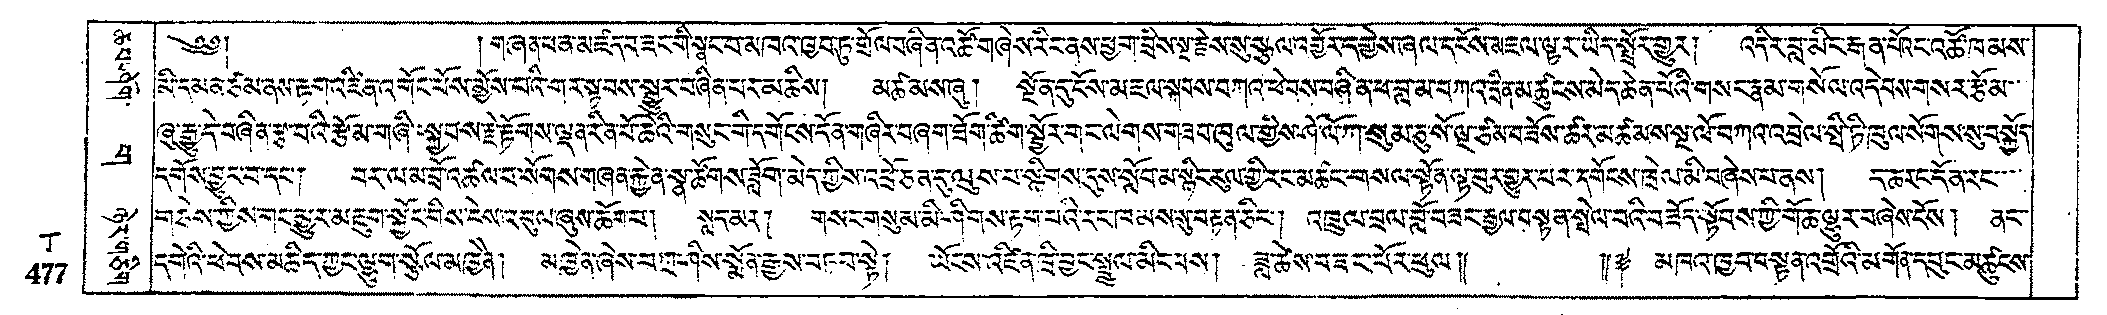༄༅། །གཞན་ཕན་མཛད་བཟང་གི་སྣང་བ་མཁའ་ཁྱབ་ཏུ་གྲོལ་བཞིན་འཚོ་གཞེས་རིང་ནས་ཕྱག་བྲིས་སྔ་རྗེས་སུ་སྩལ་འབྱོར་དགྱེས་ཞལ་དངོས་མཇལ་ལྟར་ཡིད་སྤྲོར་གྱུར། འདིར་བླ་མིང་རྒན་པོའང་འཚོ་ཁམས་
མི་དམན་ཙམ་ནས་རྟག་འཛིན་འགོང་པོས་མྱོས་པའི་གར་སྟབས་སྒྱུར་བཞིན་པར་མཆིས། མཚམས་ཞུ། སྔོན་དུ་ངོས་མཇལ་སྐབས་བཀའ་ཕེབས་བཞིན་ཕ་བླ་མ་བཀའ་དྲིན་མཚུངས་མེད་ཆེན་པོའི་གསང་རྣམ་གསོལ་འདེབས་གསར་རྩོམ་་་
ཞུ་རྒྱུ་དེ་བཞིན་རྩ་བའི་རྩོམ་གཞི ༧སྐྱབས་རྗེ་རྟོགས་ལྡན་རིན་པོ་ཆེའི་གསུང་གི་དགོངས་དོན་གཞིར་བཞག་ཐོག་ཚིག་སྦྱོར་གང་ལེགས་གཟབ་ཁུལ་གྱིས་ཤོ་ལོ་ཀ་སུམ་ཅུ་སོ་ལྔ་ཙམ་བཟོས་ཚར་མཚམས་སྔ་ལོ་བཀའ་འབྲེལ་སྤི་ཏི་ཁུལ་སོགས་སུ་བསྐྱོད་
དགོས་བྱུང་བ་དང་། བར་ལམ་བྲོ་འཚལ་བ་སོགས་གཞན་རྐྱེན་སྣ་ཚོགས་ཟློག་མེད་ཀྱིས་འཕྲོ་ཅན་དུ་ལུས་པ་སྙིགས་དུས་སློབ་མ་སྙིང་རུལ་གྱི་རང་མཚང་གསལ་སྟོན་ལྟ་བུར་གྱུར་པར་དགོངས་ཁྲེལ་མི་བཞེས་པ་ནས། ད་ཆ་རང་དོན་རང་་་
གཅེས་ཀྱིས་གང་མྱུར་མཇུག་སྐྱོང་གིས་ངེས་འབུལ་ཞུས་ཆོག་པ། སླད་མར། གསང་གསུམ་མི་ཤིགས་རྟག་པའི་རང་ཁམས་སུ་བརྟན་ཅིང་། འཁྲུལ་བྲལ་བློ་བཟང་རྒྱལ་བསྟན་སྤེལ་བའི་བཟོད་སྟོབས་ཀྱི་གོ་ཆ་ལྷུར་བཞེས་ངོས། ནང་་་
དགེའི་ཕེབས་མཆིད་ཀྱང་ལྷུག་སྩོལ་མཁྱཻན། མཁྱེན་ཞེས་བཀྲ་ཤིས་སྨོན་རྒྱས་བཏབ་སྟེ། ཡོངས་འཛིན་ཁྲི་བྱང་སྤྲུལ་མིང་པས། ཟླ་ཚེས་བཟང་པོར་ཕུལ།། །།འ་མཁའ་ཁྱབ་བསྟན་འགྲོའི་མགོན་དཔུང་མཚུངས་